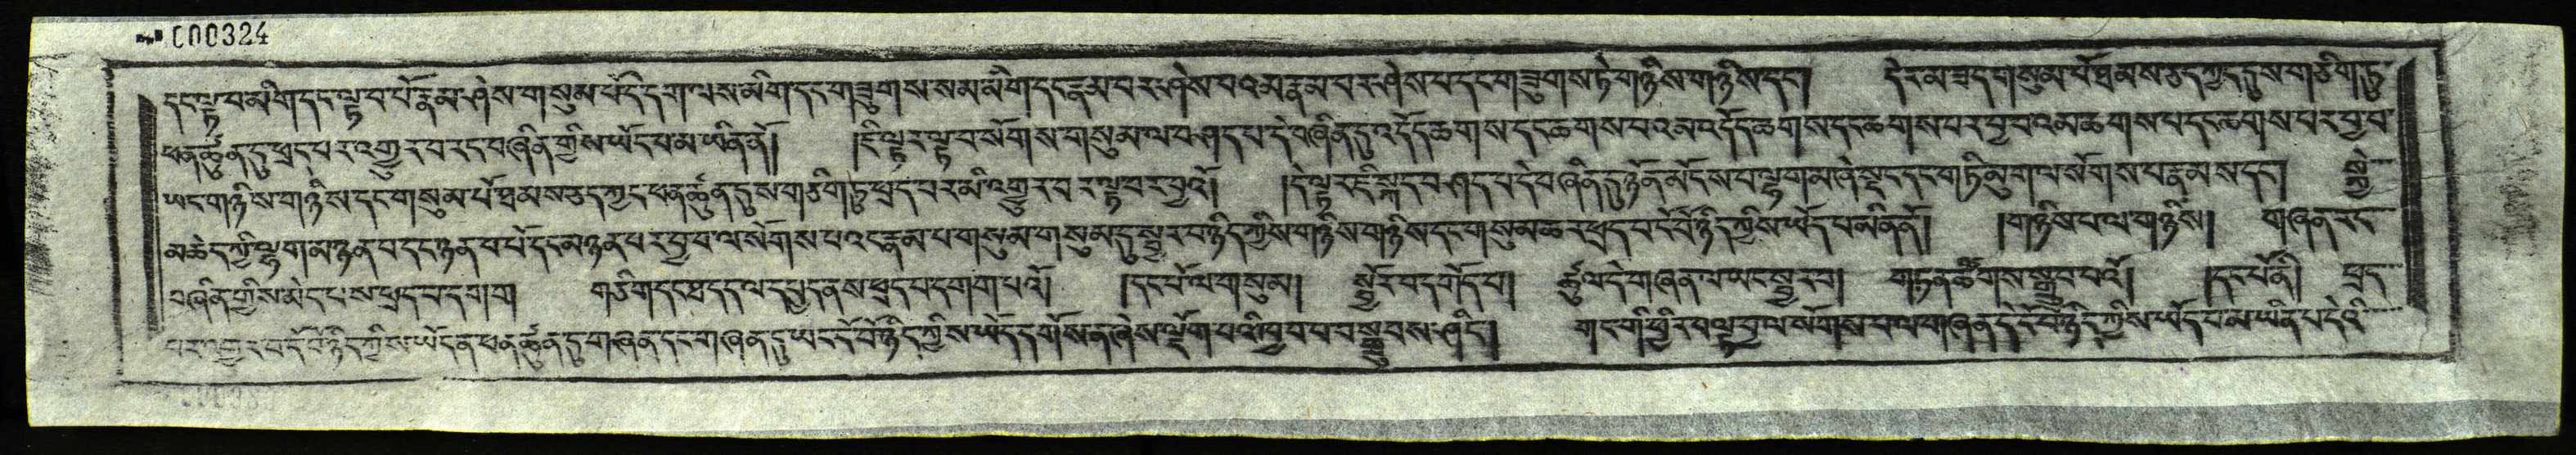དང་ལྟ་བ་མིག་དང་ལྟ་བ་པོ་རྣམ་ཤེས་གསུམ་པོ་དེ་དག་ལས་མིག་དང་གཟུགས་སམ་མིག་དང་རྣམ་པར་ཤེས་པའམ་རྣམ་པར་ཤེས་པ་དང་གཟུགས་ཏེ་གཉིས་གཉིས་དང་། དེར་མ་ཟད་གསུམ་པོ་ཐམས་ཅད་ཀྱང་དུས་གཅིག་ཏུ་
ཕན་ཚུན་དུ་ཕྲད་པར་འགྱུར་བ་རང་བཞིན་གྱིས་ཡོད་པ་མ་ཡིན་ནོ། །ཇི་ལྟར་ལྟ་བ་སོགས་གསུམ་ལ་བཤད་པ་དེ་བཞིན་དུ་འདོད་ཆགས་དང་ཆགས་པའམ་འདོད་ཆགས་དང་ཆགས་པར་བྱ་བའམ་ཆགས་པ་དང་ཆགས་པར་བྱ་བ་
ཡང་གཉིས་གཉིས་དང་གསུམ་པོ་ཐམས་ཅད་ཀྱང་ཕན་ཚུན་དུས་གཅིག་ཏུ་ཕྲད་པར་མི་འགྱུར་བར་ལྟ་བར་བྱའོ། །དེ་ལྟར་ཇི་སྐད་བཤད་པ་དེ་བཞིན་དུ་ཉོན་མོངས་པ་ལྷག་མ་ཞེ་སྡང་དང་གཏི་མུག་ལ་སོགས་པ་རྣམས་དང་། སྐྱེ་
མཆེད་ཀྱི་ལྷག་མཉན་པ་དང་ཉན་པ་པོ་དང་མཉན་པར་བྱ་བ་ལ་སོགས་པའང་རྣམ་པ་གསུམ་གསུམ་དུ་སྦྱར་བ་ཉིད་ཀྱིས་གཉིས་གཉིས་དང་གསུམ་ཆར་ཕྲད་པ་ངོ་བོ་ཉིད་ཀྱིས་ཡོད་པ་མིན་ནོ། །གཉིས་པ་ལ་གཉིས། གཞན་རང་
བཞིན་གྱིས་མེད་པས་ཕྲད་པ་དགག་གཅིག་དང་ཐ་དད་ལ་དཔྱད་ནས་ཕྲད་པ་དགག་པའོ། །དང་པོ་ལ་གསུམ། སྦྱོར་བ་དགོད་པ། ཚུལ་དེ་གཞན་ལ་ཡང་སྦྱར་བ། གཏན་ཚིགས་སྒྲུབ་པའོ། །དང་པོ་ནི། ཕྲད་
པར་འགྱུར་བ་ངོ་བོ་ཉིད་ཀྱིས་ཡོད་ན་ཕན་ཚུན་དུ་གཞན་དང་གཞན་དུ་ཡང་ངོ་བོ་ཉིད་ཀྱིས་ཡོད་དགོས་ན་ཞེས་ལྡོག་པའི་ཁྱབ་པ་བསྒྲུབས་ཤིང་། གང་གི་ཕྱིར་བལྟ་བྱ་ལ་སོགས་པ་ལ་གཞན་དེ་ངོ་བོ་ཉིད་ཀྱིས་ཡོད་པ་མ་ཡིན་པ་དེའི་